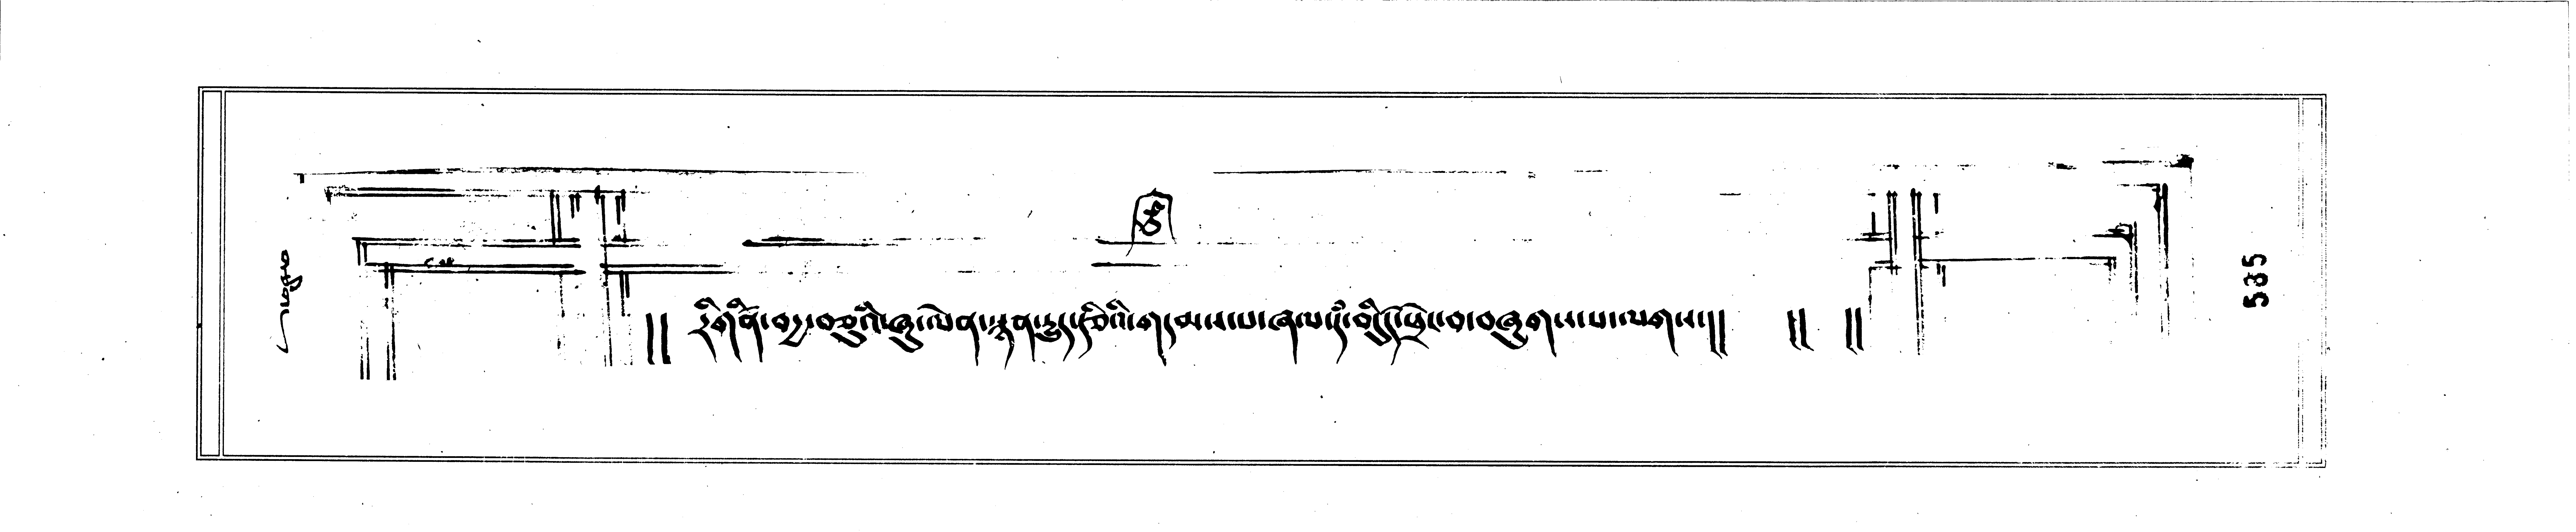༼ཙ༽།། རིག་འཛིན་བརྒྱད་བཅུའི་ཞུ་ལེན་སྙན་རྒྱུད་ཞལ་གདམ་བདུད་རྩིའི་འཕྲེང་བ་བཞུགས་སོ།